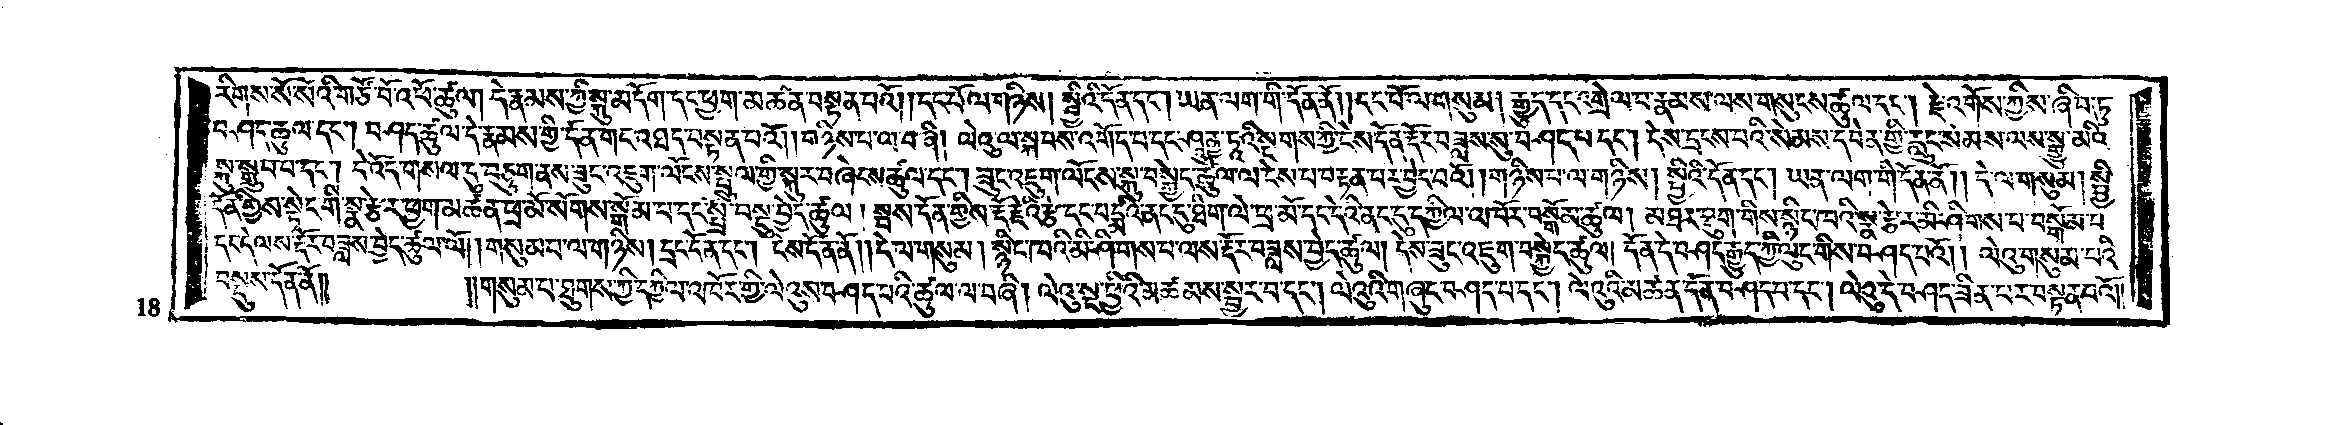རིགས་སོ་སོའི་གཙོ་བོ་འཕོ་ཚུལ། དེ་རྣམས་ཀྱི་སྐུ་མདོག་དང་ཕྱག་མཚན་བསྟན་པའོ། །དང་པོ་ལ་གཉིས། སྤྱིའི་དོན་དང་། ཡན་ལག་གི་དོན་ནོ། །དང་པོ་ལ་གསུམ། རྒྱུད་དང་འགྲེལ་པ་རྣམས་ལས་གསུངས་ཚུལ་དང་། རྗེ་འགོས་ཀྱིས་ཞིབ་ཏུ་
བཤད་ཚུལ་དང་། བཤད་ཚུལ་དེ་རྣམས་ཀྱི་དོན་གང་འཐད་བསྟན་པའོ། །གཉིས་པ་ལ་བཞི། ལེའུ་ལ་སྐབས་འགོད་པ་དང་ཤཱུནྱཱ་ཏཱའི་སྔགས་ཀྱི་ངེས་དོན་རྡོར་བཟླས་སུ་བཤད་པ་དང་། དེས་དྲངས་པའི་སེམས་དབེན་གྱི་རླུང་སེམས་ལས་སྒྱུ་མའི་
སྐུ་སྒྲུབ་པ་དང་། དེ་འོད་གསལ་དུ་བཅུག་ནས་ཟུང་འཇུག་ལོངས་སྤྲུལ་གྱི་སྐུར་བཞེངས་ཚུལ་དང་། ཟུང་འཇུག་ལོངས་སྐུ་བསྐྱེད་ཚུལ་ལ་ངེས་པ་བརྟན་པར་བྱེད་པའོ། །གཉིས་པ་ལ་གཉིས། སྤྱིའི་དོན་དང་། ཡན་ལག་གི་དོན་ནོ། །དེ་ལ་གསུམ། སྤྱི་
དོན་གྱིས་སྟེང་གི་སྣ་རྩེར་ཕྱག་མཚན་ཕྲ་མོ་སོགས་སྒོམ་པ་དང་སྤྲོ་བསྡུ་བྱེད་ཚུལ། སྦས་དོན་གྱིས་རྡོ་རྗེའི་རྩེ་དང་པདམའི་ནང་དུ་ཐིག་ལེ་ཕྲ་མོ་དང་དེའི་ནང་དུ་དཀྱིལ་འཁོར་བསྒོམ་ཚུལ། མཐར་ཐུག་གིས་སྙིང་ཁའི་སྣ་རྩེར་མི་ཤིགས་པ་བསྒོམ་པ་
དང་དེ་ལས་རྡོར་བཟླས་བྱེད་ཚུལ་ལོ། །གསུམ་པ་ལ་གཉིས། དྲང་དོན་དང་། ངེས་དོན་ནོ། །དེ་ལ་གསུམ། སྙིང་ཁའི་མི་ཤིགས་པ་ལས་རྡོར་བཟླས་བྱེད་ཚུལ། དེས་ཟུང་འཇུག་བསྐྱེད་ཚུལ། དོན་དེ་བཤད་རྒྱུད་ཀྱི་ལུང་གིས་བཤད་པའོ། །ལེའུ་གསུམ་པའི་
བསྡུས་དོན་ནོ།། །།གསུམ་པ་ཐུགས་ཀྱི་དཀྱིལ་འཁོར་གྱི་ལེའུས་བཤད་པའི་ཚུལ་ལ་བཞི། ལེའུ་སྔ་ཕྱིའི་མཚམས་སྦྱར་བ་དང་། ལེའུའི་གཞུང་བཤད་པ་དང་། ལེའུའི་མཚན་དོན་བཤད་པ་དང་། ལེའུ་དེ་བཤད་ཟིན་པར་བསྟན་པའོ། །